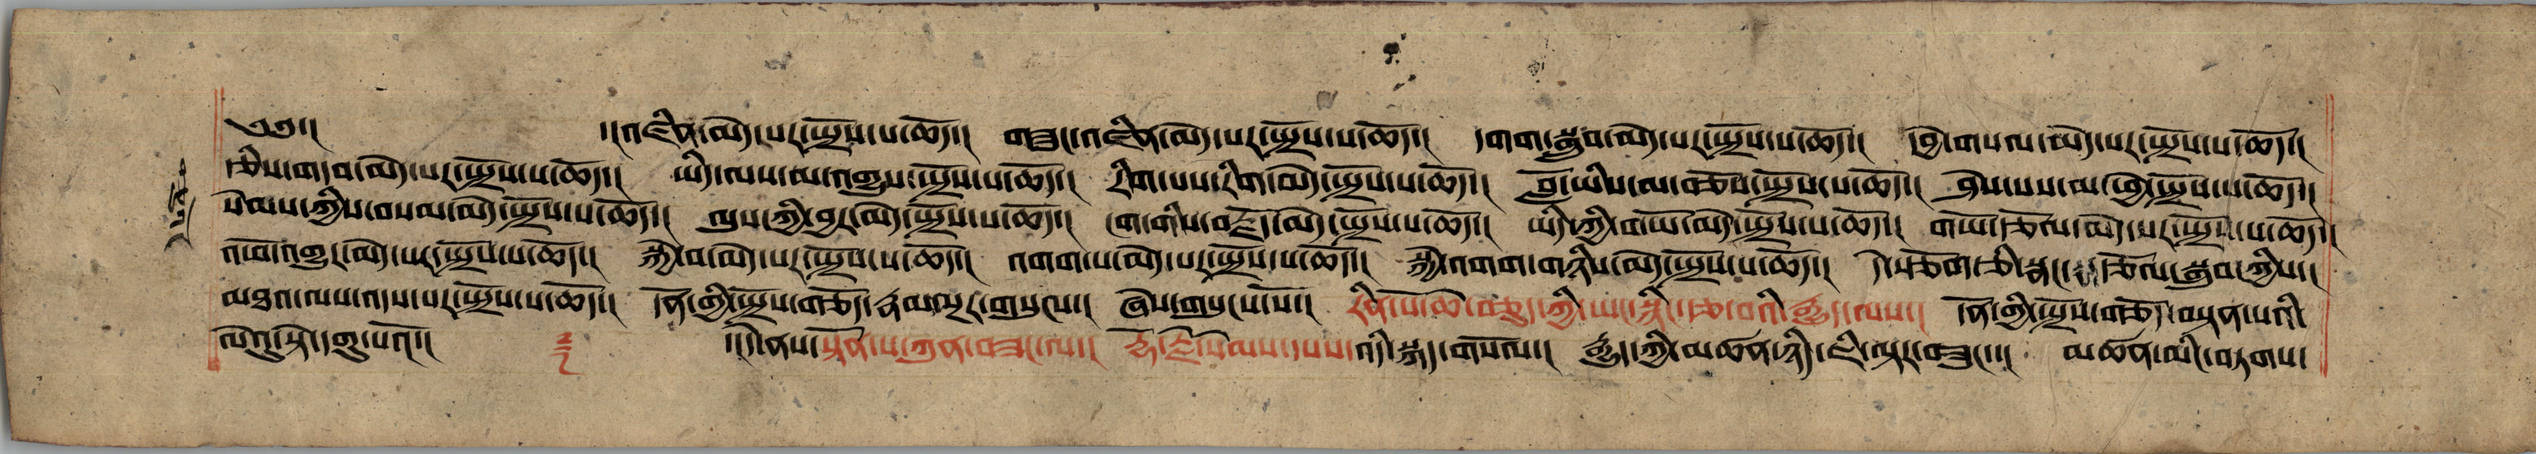༄༅་། ་།འཛིན་མེད་པར་སྤྲོས་པ་ཆོད་། གཟུང་འཛིན་མེད་པར་སྤྲོས་པ་ཆོད་། དགའ་སྒྲུབ་མེད་པར་སྤྲོས་པ་ཆོད་། དབྱེ་གསལ་མེད་པར་སྤྲོས་པ་ཆོད་།
རྩིས་གདབ་མེད་པར་སྤྲོས་པ་ཆོད་། ཡིད་ལས་མ་འགྱུས་སྤྲོས་པ་ཆོད་། རིག་པས་རིག་མེད་སྤྲོས་པ་ཆོད་། བློ་ཡིས་མ་བཅོས་སྤྲོས་པ་ཆོད་། ཤེས་པས་མ་ཕྱེ་སྤྲོས་པ་ཆོད་།
སེམས་གྱིས་བསམ་མེད་སྤྲོས་པ་ཆོད་། ལུས་ཀྱི་བྱར་མེད་སྤྲོས་པ་ཆོད་། ངག་གིས་བརྗོད་མེད་སྤྲོས་པ་ཆོད་། ཡིད་ཀྱི་གཡོ་མེད་སྤྲོས་པ་ཆོད་། གཡོ་རྩོལ་མེད་པར་སྤྲོས་པ་ཆོད་།
འཕོ་འགྱུརམེད་པར་སྤྲོས་པ་ཆོད་། སྐྱེ་བ་མེད་པར་སྤྲོས་པ་ཆོད་། འགག་པ་མེད་པར་སྤྲོས་པ་ཆོད་། སྐྱེ་འགག་གཉིས་མེད་སྤྲོས་པ་ཆོད་། དེ་སྩོག་ཅི་སྣང་ རྩོལ་སྒྲུབ་ཀྱིས་།
མཐའ་ལས་འདས་པར་སྤྲོས་པ་ཆོད་། དོན་གྱི་སྤྲོས་གཅོད་རྣམ་སྔར་གསུངས་། ཞེས་གསུངས་སོ་། རིན་པོ་ཆེ་བཅུད་ཀྱི་ཡང་སྙིང་རྩ་བའི་རྒྱུད་ལས་། དོན་གྱི་སྤྲོས་གཅོད་བསྟན་པའི་
ལེའུ་སྟེ་དགུ་པའོ་། ࿑ ་།དེ་ནས་སྟོན་པ་ཀུན་བཟང་ལ་། རྡོ་རྗེ་སེམས་དསས་འདི་སྐད་གསོལ་། རྒྱུད་ཀྱི་མཚན་ཉིད་ཇི་ལྟར་བཟུང་་། མཚན་མིང་བཏགས་